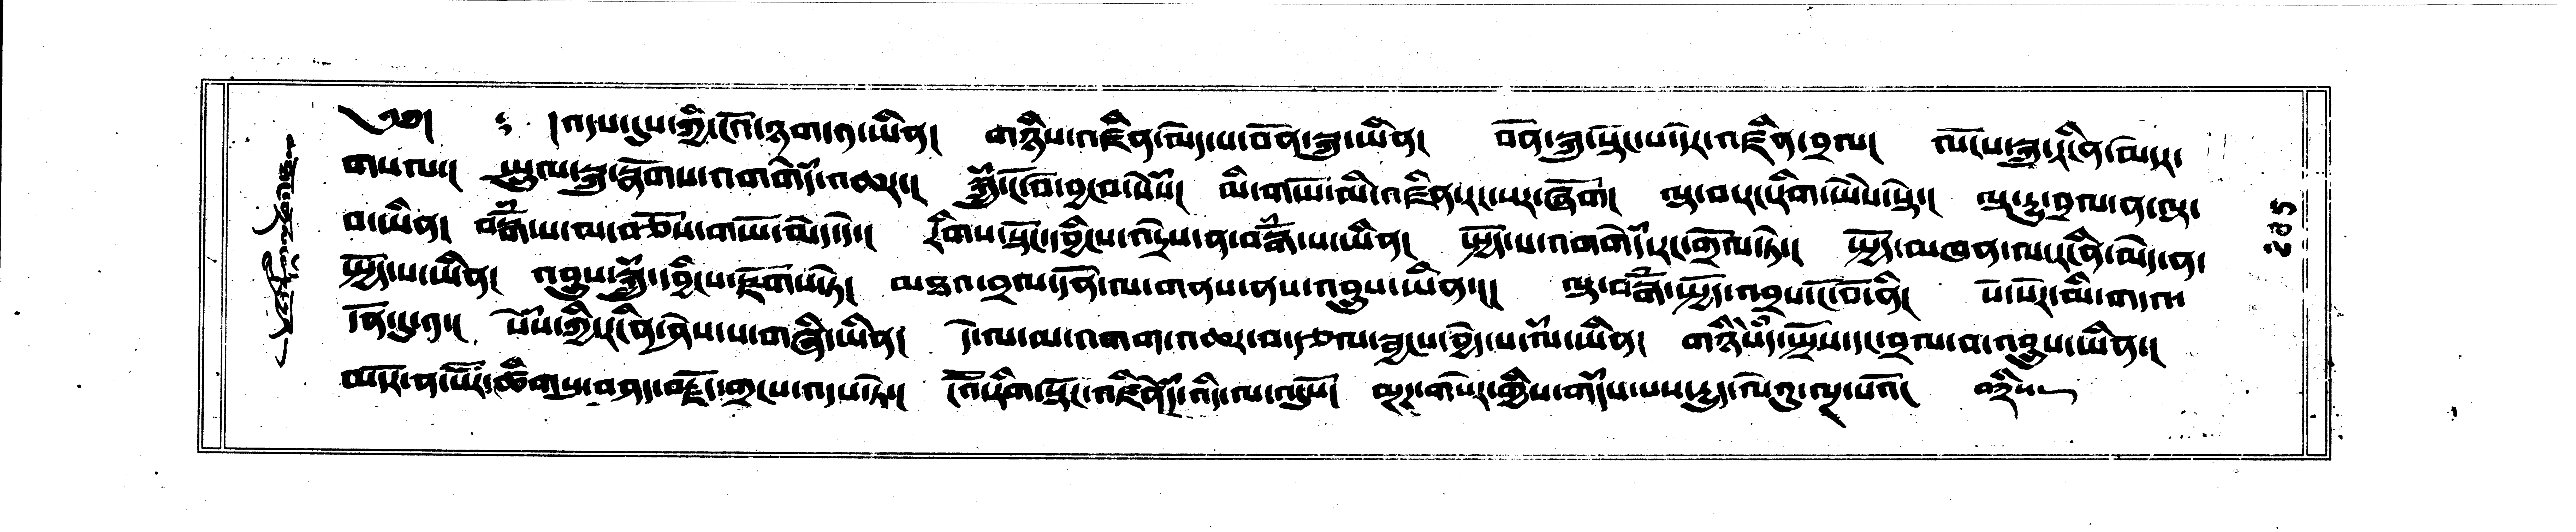འདས་ཀྱིས་ངོའོ་ཉག་གཅིག་ཡིན། གཉིས་འཛིན་པ་མེད་ན་བོན་སྐུ་ཡིན། བོན་སྐུ་སྟོང་ན་དེར་འཛིན་བྲལ། ལོངས་སྐུ་རང་བཞིན་མེད་པར་
གསལ། སྤྲུལ་སྐུ་སྣ་ཚོགས་འགག་མེད་འཆར། སྐུ་གསུམ་ངོའོ་བྱང་ཆུབ་སེམས། མི་གཡོ་མི་འཛིན་རང་སར་ཞོག དེ་ལྟ་བ་རང་རིག་ཡེ་ཤེས་ཡིན་ཏེ། ལྟ་རྒྱུ་དང་བྲལ་ན་ལྟ་
བ་ཡིན། སྒོམས་པ་མ་བཅོས་གཡོ་མེད་དེ། རིག་སྟོང་དབྱིངས་སུ་འདྲེས་ན་བྷོམ་(སྒོམ)པ་ཡིན། སྤྱོད་པ་འགག་མེད་རང་གྲོལ་ཏེ། སྤྱོད་མཁན་ལ་རང་བཞིན་མེད་ན་
སྤྱོད་པ་ཡིན། འབྲས་བུ་སྐུ་གསུམ་དབྱིངས་རྫོགས་སྟེ། མཐའ་བྲལ་དོན་ལ་གནས་ན་འབྲས་བུ་ཡིན། ལྟ་སྒོམ་སྤྱོད་འབྲས་ངོའོ་ནི། སོ་སོར་མི་གདའ་
དོན་དུ་ཅིག སེམས་ཀྱིས་རང་བཞིན་ཤེས་པ་གཞི་ཡིན། དེ་ལ་འགག་མེད་འཆར་ཏེ་རྩལ་སྦྱངས་བྱེད་པ་ལམ་ཡིན། གཉིས་མེད་སྤྲོས་དང་བྲལ་ན་འབྲས་བུ་ཡིན། 
མདོར་ན་སོ་སོར་ཚིགས་སུ་བཤད་བརྗོད་གྲངས་འདས་ཏེ། ངོའོ་རིག་སྟོང་འཛིན་མེད་འདི་ལ་འདུས་སོ། མེན་ངག་གསེར་གྱིས་གདམ་པའི་ལེའུ་སྟེ། ལྔ་པའོ། ཅེས་གསུངས་སོ། བཀྲ་ཤིས།།